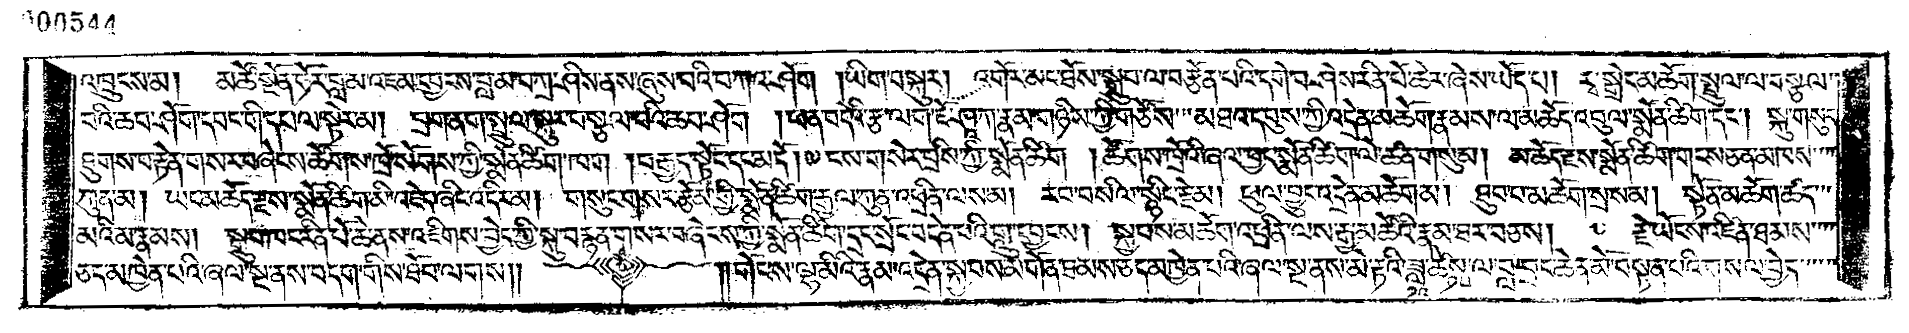འཁྲུངས་མ། མཚོ་སྔོན་ཧོར་བླ་མ་འཇམ་དབྱངས་བླ་མ་བཀྲ་ཤིས་ནས་ཞུས་པའི་བཀའ་ཤོག །ཡིག་བསྐུར་འགོར་མང་ཐོས་སྒྲུབ་ལ་བརྩོན་པའི་དགེ་བཤེས་རིན་པོ་ཆེར་ཞེས་ཡོད་པ།  རྭ་སྒྲེང་མཆོག་སྤྲུལ་ལ་བསྩལ་
བའི་ཆབ་ཤོག་དབང་གི་དཔལ་སྟེར་མ། བྲག་ནག་སྤྲུལ་སྐུར་བསྩལ་བའི་ཆབ་ཤོག །ཕན་བདེའི་རྩ་ལག་ཇོ་ཤཱཀ་རྣམ་གཉིས་ཀྱི་གཙོས་མཐའ་དབུས་ཀྱི་འདྲེན་མཆོག་རྣམས་ལ་མཆོད་འབུལ་སྨོན་ཚིག་དང་། སྐུ་གསུང་
ཐུགས་བརྟེན་གསར་བཞེངས་ཚོགས་ཁྲོ་སོགས་ཀྱི་སྨོན་ཚིག་ཁག །བརྒྱད་སྟོང་དང་མདོ། ༧་ངས་གསེར་བྲིས་ཀྱི་སྨོན་ཚིག །ཚོགས་ཁྲོའི་ཞལ་བྱང་སྨོན་ཚིག་ལེ་ཚན་གསུམ། མཆོད་རྫས་སྨོན་ཚིག་གངས་ཅན་མཁས་
ཀུན་མ། ཡང་མཆོད་རྫས་སྨོན་ཚིག་མི་འཇེད་ཞིང་འདིར་མ། གསུང་གསར་རྩོམ་གྱི་སྨོན་ཚིག་རྒྱལ་ཀུན་འཕྲིན་ལས་མ། རབ་བསིལ་སྙིང་རྗེ་མ། ཕུལ་བྱུང་འདྲེན་མཆོག་མ། ཐུབ་པ་མཆོག་སྲས་མ། སྟོན་མཆོག་ཚད་
མའི་མ་རྣམས། སྒྲུབ་ཁང་རིན་པོ་ཆེ་ནས་འཇིགས་བྱེད་ཀྱི་སྐུ་བརྙན་གསར་བཞེངས་ཀྱི་སྨོན་ཚིག་དྲང་སྲོང་བདེན་པའི་གླུ་དབྱངས། སྐྱབས་མཆོག་འཕྲིན་ལས་རྒྱ་མཚོའི་རྣམ་ཐར་བཅས། ༧་རྗེ་ཡོངས་འཛིན་ཐམས་
ཅད་མཁྱེན་པའི་ཞལ་སྔ་ནས་བདག་གིས་ཐོབ་ལགས།། ༆་།།གོང་ས་ལྷ་མིའི་རྣམ་འདྲེན་སྐྱབས་མགོན་ཐམས་ཅད་མཁྱེན་པའི་ཞལ་སྔ་ནས་མེ་རྟའི་ཟླ ༡༢་ཚེས༡༥་ལ་བླ་བྲང་ཆེན་མོ་བསྟན་པའི་གསལ་བྱེད་